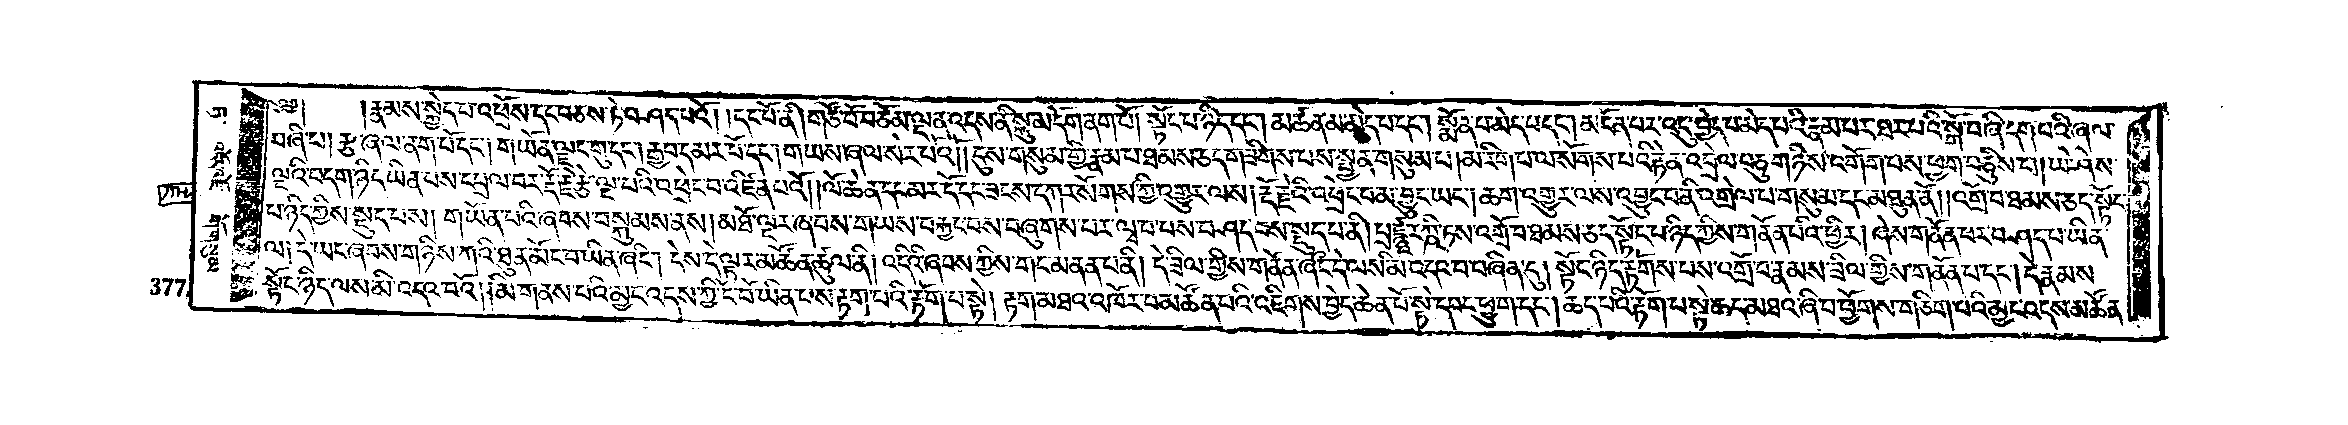༄༅། །རྣམས་སྐྱེད་པ་འཕྲོས་དང་བཅས་ཏེ་བཤད་པའོ། །དང་པོ་ནི། གཙོ་བོ་བཅོམ་ལྡན་འདས་ནི་སྐུ་མདོག་ནག་པོ། སྟོང་པ་ཉིད་དང་། མཚན་མ་མེད་པ་དང་། སྨོན་པ་མེད་པ་དང་། མངོན་པར་འདུ་བྱེད་པ་མེད་པའི་རྣམ་པར་ཐར་པའི་སྒོ་བཞི་དག་པའི་ཞལ་
བཞི་པ། རྩ་ཞལ་ནག་པོ་དང་། གཡོན་ལྗང་གུ་དང་། རྒྱབ་དམར་པོ་དང་། གཡས་ཞལ་སེར་པོའོ། །དུས་གསུམ་གྱི་རྣམ་པ་ཐམས་ཅད་གཟིགས་པས་སྤྱན་གསུམ་པ། མ་རིག་པ་ལ་སོགས་པའི་རྟེན་འབྲེལ་བཅུ་གཉིས་འགོག་པས་ཕྱག་བཅུ་གཉིས་པ། ཡེ་ཤེས་
ལྔའི་བདག་ཉིད་ཡིན་པས་དཔྲལ་བར་རྡོ་རྗེ་རྩེ་ལྔ་པའི་འཕྲེང་བ་འཛིན་པའོ། །ལོ་ཆེན་དང་མར་དོ་དང་ཟངས་དཀར་སོགས་ཀྱི་འགྱུར་ལས། རྡོ་རྗེའི་འཕྲེང་བ་མ་བྱུང་ཡང་། ཆག་འགྱུར་ལས་འབྱུང་བ་ནི་འགྲེལ་པ་གསུམ་དང་མཐུན་ནོ། །འགྲོ་བ་ཐམས་ཅད་སྟོང་
པ་ཉིད་ཀྱིས་སྡུད་པས། གཡོན་པའི་ཞབས་བསྐུམས་ནས། མཐོ་ལྔར་ཞབས་གཡས་བརྐྱང་བས་བཞུགས་པར་ལྭ་བ་པས་བཤད་པས་སྡུད་པ་ནི། པྲཛྙཱ་རཀྵི་ཏས་འགྲོ་བ་ཐམས་ཅད་སྟོང་པ་ཉིད་ཀྱིས་གནོན་པའི་ཕྱིར། ཞེས་གནོན་པར་བཤད་པ་ཡིན་
ལ། དེ་ཡང་ཞབས་གཉིས་ཀའི་ཐུན་མོང་བ་ཡིན་ཞིང་། དེས་དེ་ལྟར་མཚོན་ཚུལ་ནི། འདིའི་ཞབས་ཀྱིས་གང་མནན་པ་ནི། དེ་ཟིལ་གྱིས་གནོན་ཞིང་དེ་ལས་མི་འདའ་བ་བཞིན་དུ། སྟོང་ཉིད་རྟོགས་པས་འགྲོ་བ་རྣམས་ཟིལ་གྱིས་གནོན་པ་དང་། དེ་རྣམས་
སྟོང་ཉིད་ལས་མི་འདའ་བའོ། །མི་གནས་པའི་མྱང་འདས་ཀྱི་ངོ་བོ་ཡིན་པས་རྟག་པའི་རྟོག་པ་སྟེ། རྟག་མཐའ་འཁོར་བ་མཚོན་པའི་འཇིགས་བྱེད་ཆེན་པོ་སྟེ་དབང་ཕྱུག་དང་། ཆད་པའི་རྟོག་པ་སྟེ་ཆད་མཐའ་ཞི་བ་ཕྱོགས་གཅིག་པའི་མྱང་འདས་མཚོན་